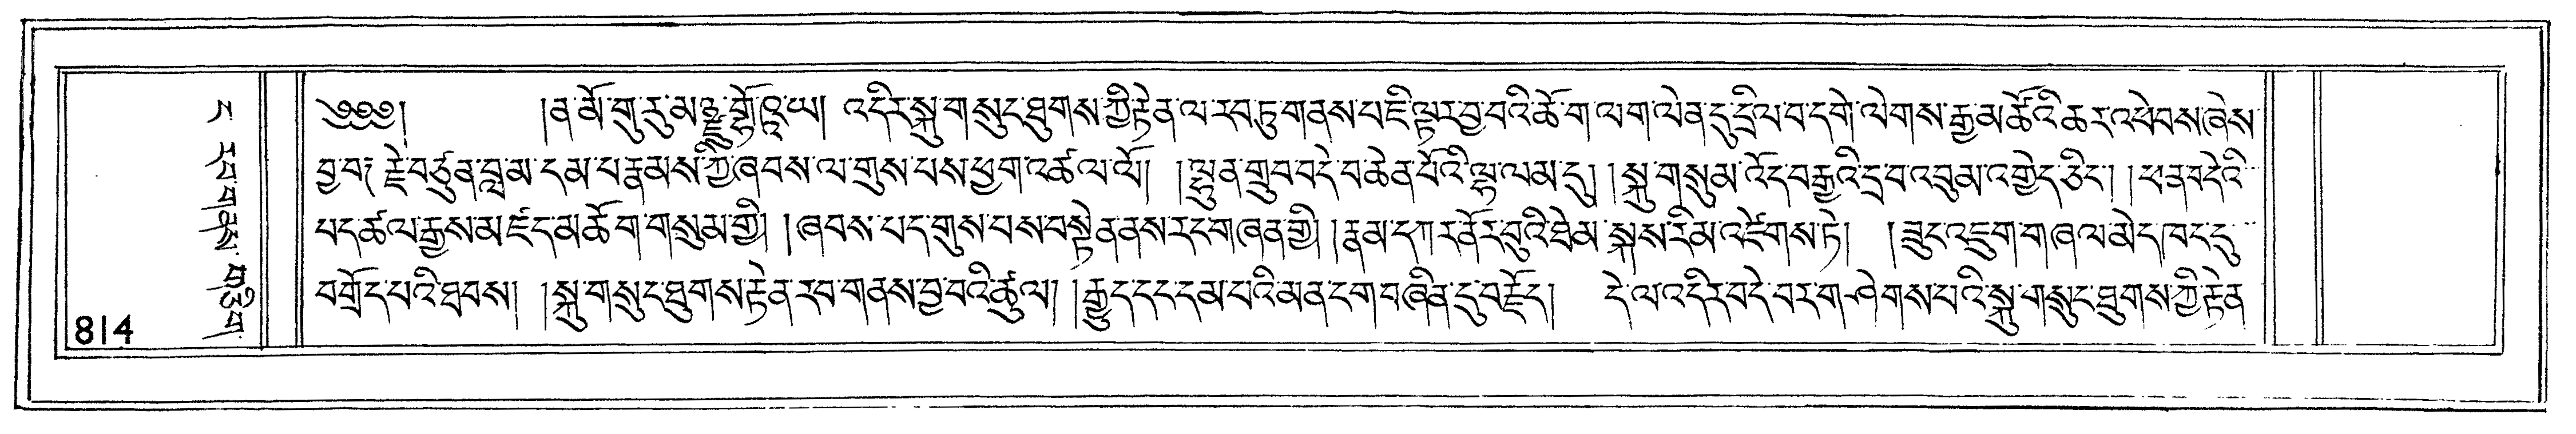༄༅༅། །ན་མོ་གུ་རུ་མཉྫུ་གྷོ་ཥཱ་ཡ། འདིར་སྐུ་གསུང་ཐུགས་ཀྱི་རྟེན་ལ་རབ་ཏུ་གནས་པ་ཇི་ལྟར་བྱ་བའི་ཆོ་ག་ལག་ལེན་དུ་དྲིལ་བ་དགེ་ལེགས་རྒྱ་མཚོའི་ཆར་འཕེབས་ཞེས་
བྱ་བ། རྗེ་བཙུན་བླ་མ་དམ་པ་རྣམས་ཀྱི་ཞབས་ལ་གུས་པས་ཕྱག་འཚལ་ལོ། །ལྷུན་གྲུབ་བདེ་བ་ཆེན་པོའི་ལྷ་ལམ་དུ། །སྐུ་གསུམ་འོད་བརྒྱའི་དྲ་བ་འབུམ་འགྱེད་ཅིང་། །ཕན་བདེའི་
པད་ཚལ་རྒྱས་མཛད་མཆོག་གསུམ་གྱི། །ཞབས་པད་གུས་པས་བསྟེན་ནས་རང་གཞན་གྱི། །རྣམ་དཀར་ནོར་བུའི་ཐེམ་སྐས་རིམ་འཛེགས་ཏེ། །ཟུང་འཇུག་གཞལ་མེད་ཁང་དུ་
བགྲོད་པའི་ཐབས། །སྐུ་གསུང་ཐུགས་རྟེན་རབ་གནས་བྱ་བའི་ཚུལ། །རྒྱུད་དང་དམ་པའི་མན་ངག་བཞིན་དུ་བརྗོད། དེ་ལ་འདིར་བདེ་བར་གཤེགས་པའི་སྐུ་གསུང་ཐུགས་ཀྱི་རྟེན་